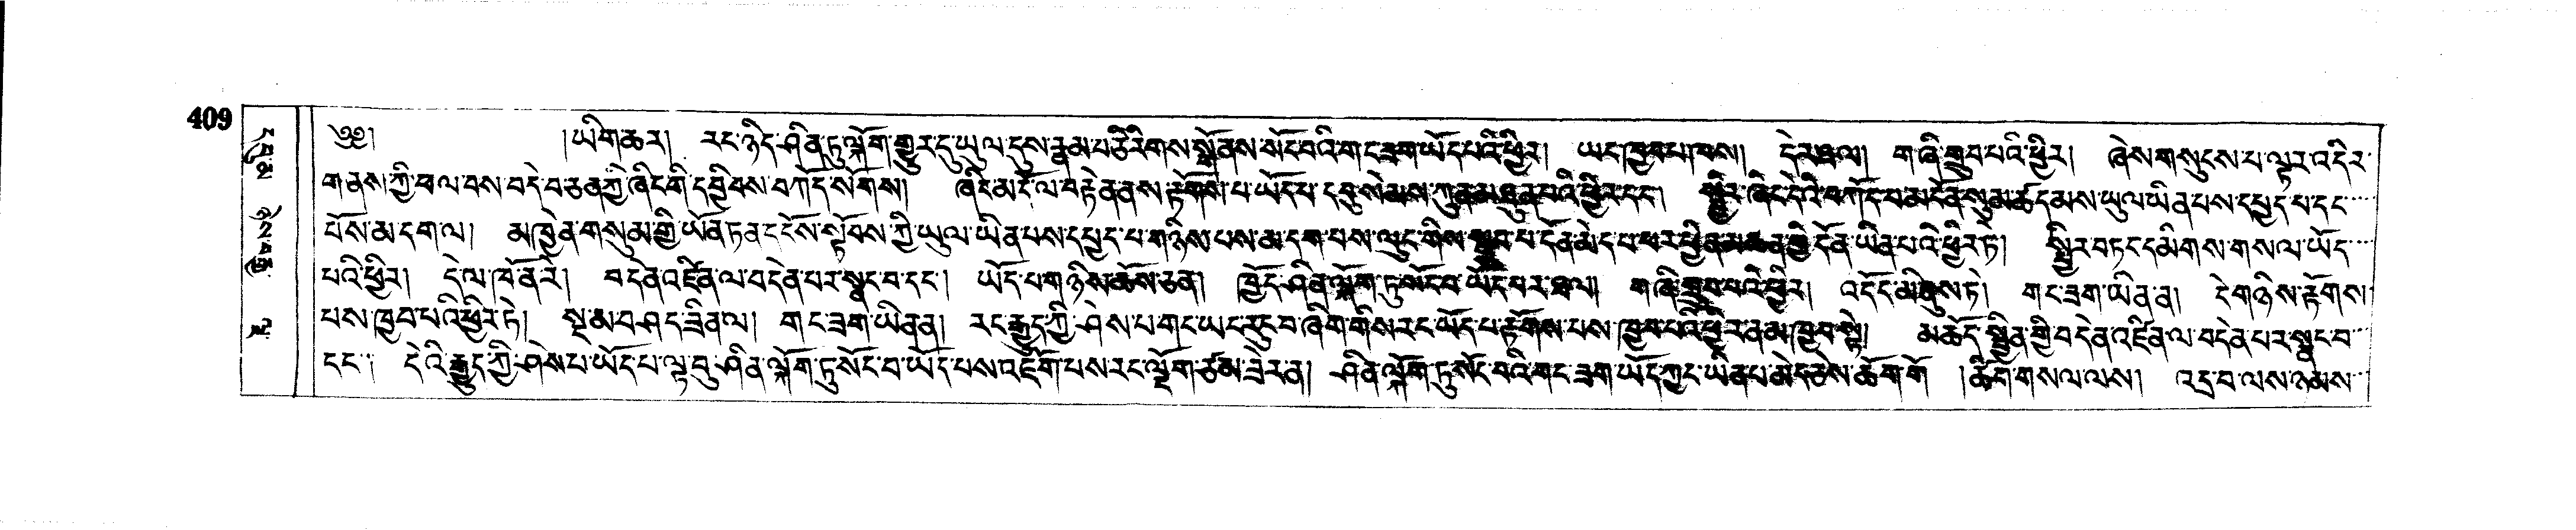༄༅། །ཡིག་ཆར། རང་ཉིད་ཤིན་ཏུ་ལྐོག་གྱུར་དུ་ཡུལ་དུས་རྣམ་པ་ཅི་རིགས་སྒོ་ནས་སོང་བའི་གང་ཟག་ཡོད་པའི་ཕྱིར། ཡང་ཁྱབ་པ་ཁས། དེར་ཐལ། གཞི་གྲུབ་པའི་ཕྱིར། ཞེས་གསུངས་པ་ལྟར་འདིར་
གནས་ཀྱི་ཕལ་བས་བདེ་བ་ཅན་གྱི་ཞིང་གི་དབྱིབས་བཀོད་སོགས། ཞིང་མདོ་ལ་བརྟེན་ནས་རྟོགས་པ་ཡོད་པ་དབུ་སེམས་ཀུན་མཐུན་པའི་ཕྱིར་དང་། སྤྱིར་ཞིང་དེའི་བཀོད་པ་མངོན་སུམ་ཚད་མས་ཡུལ་ཡིན་པས་དཔྱད་པ་དང་
པོས་མ་དག་ལ། མཁྱེན་གསུམ་གྱི་ཡོན་ཏན་དངོས་སྟོབས་ཀྱི་ཡུལ་ཡིན་པས་དཔྱད་པ་གཉིས་པས་མ་དག་པས་ལུང་གིས་སྒྲུབ་པ་དོན་མེད་པ་ཕར་ཕྱིན་མཚན་གྱི་དོན་ཡིན་པའི་ཕྱིར་ཏེ། སྤྱིར་བཏང་དམིགས་གསལ་ཡོད་
པའི་ཕྱིར། དེ་ལ་ཁོ་ན་རེ། བདེན་འཛིན་ལ་བདེན་པར་སྣང་བ་དང་། ཡོད་པ་གཉིས་ཆོས་ཅན། ཁྱོད་ཤིན་ལྐོག་ཏུ་སོང་བ་ཡོད་པར་ཐལ། གཞི་གྲུབ་པའི་ཕྱིར། འདོད་མི་ནུས་ཏེ། གང་ཟག་ཡིན་ན། དེ་གཉིས་རྟོགས་
པས་ཁྱབ་པའི་ཕྱིར་ཏེ། སྔ་མ་བཤད་ཟིན་ལ། གང་ཟག་ཡིན་ན། རང་རྒྱུད་ཀྱི་ཤེས་པ་གང་ཡང་རུང་བ་ཞིག་གིས་རང་ཡོད་པ་རྟོགས་པས་ཁྱབ་པའི་ཕྱིར་ན་མ་ཁྱབ་སྟེ། མཆོད་སྦྱིན་གྱི་བདེན་འཛིན་ལ་བདེན་པར་སྣང་བ་
དང༑ དེའི་རྒྱུད་ཀྱི་ཤེས་པ་ཡོད་པ་ལྟ་བུ་ཤིན་ལྐོག་ཏུ་སོང་བ་ཡོད་པས་འཇོག་པས་རང་ལྡོག་ཙམ་ཟེར་ན། ཤིན་ལྐོག་ཏུ་སོང་བའི་གང་ཟག་ཡོད་ཀྱང་ཡིན་པ་མེད་ཅེས་ཆོག་གོ །ཚིག་གསལ་ལས། འདྲ་བ་ལས་ཉམས་